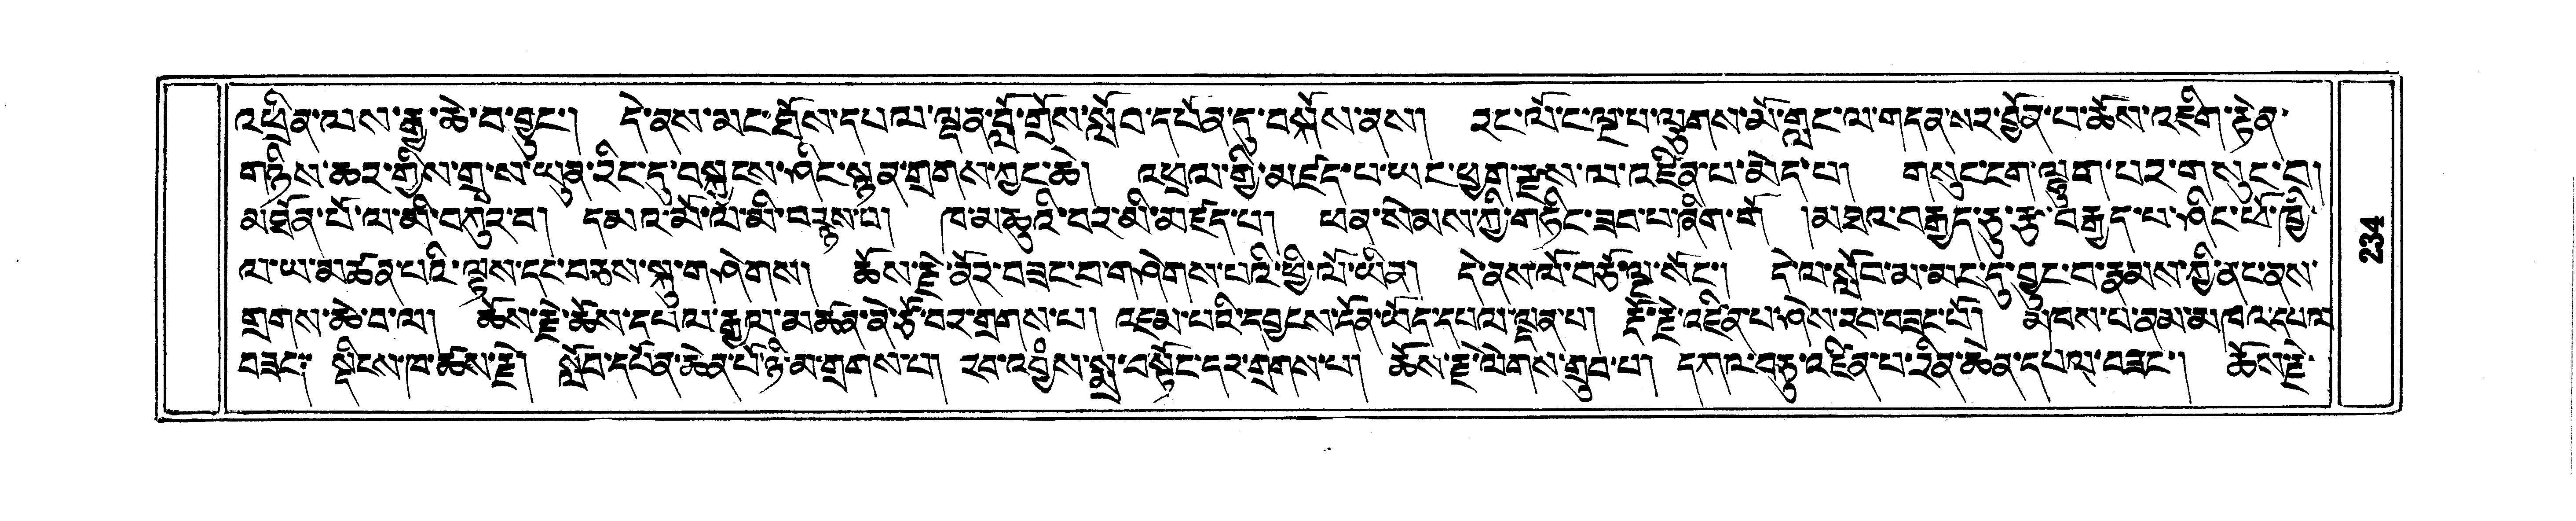འཕྲིན་ལས་རྒྱ་ཆེ་བ་བྱུང་། དེ་ནས་མང་ཐོས་དཔལ་ལྡན་བློ་གྲོས་སློབ་དཔོན་དུ་བསྐོས་ནས། རང་ལོ་ང་ལྔ་པ་ལྕགས་མོ་གླང་ལ་གདན་སར་བྱོན་པ་ཆོས་འཇིག་རྟེན་
གཉིས་ཆར་གྱིས་གྲྭ་ས་ཡུན་རིང་དུ་བསྐྱངས་ཤིང་སྙན་གྲགས་ཀྱང་ཆེ། འཕྲལ་གྱི་མཛད་པ་ཡང་ཕྱག་རྫས་ལ་འཛིན་པ་མེད་པ། གསུང་ངག་ལྷུག་པར་གསུང་བ།
མཐོན་པོ་ལ་མི་བཀུར་བ། དམའ་མོ་ལ་མི་བརྙས་པ། ཁ་མཆུའི་བར་མི་མཛད་པ། ཕན་སེམས་ཀྱི་གཏིང་ཟབ་པ་ཞིག་གོ། །མཐའ་བརྒྱད་ཅུ་རྩ་བརྒྱད་པ་ཤིང་ཕོ་ཁྱི་
ལ་ཡ་མཚན་པའི་ལྷས་དང་བཅས་སྐུ་གཤེགས། ཆོས་རྗེ་ནོར་བཟང་བ་གཤེགས་པའི་ཕྱིར་ལོ་ཡིན། དེ་ནས་ལོ་བཅོ་ལྔ་སོང་། དེ་ལ་སློབ་མ་མང་དུ་བྱུང་བ་རྣམས་ཀྱི་ནང་ནས་
གྲགས་ཆེ་བ་ལ། ཆོས་རྗེ་ཆོས་དཔལ་རྒྱལ་མཚན་ནེ་ཙོ་བར་གྲགས་པ། འཇམ་པའི་དབྱངས་དོན་ཡོད་དཔལ་ལྡན་པ། རྡོ་རྗེ་འཛིན་པ་ཤེས་རབ་བཟང་པོ། མཁས་པ་ནམ་མཁའ་དཔལ་
བཟང༑ སྡིངས་ཁ་ཚས་རྗེ། སློབ་དཔོན་ཆེན་པོ་ཉི་མ་གྲགས་པ། རབ་འབྱཾས་སྨྲ་བསྟོང་དར་གྲགས་པ། ཆོས་རྗེ་ལེགས་གྲུབ་པ། དཀའ་བཅུ་འཛིན་པ་རིན་ཆེན་དཔལ་བཟང་། ཆོས་རྗེ་